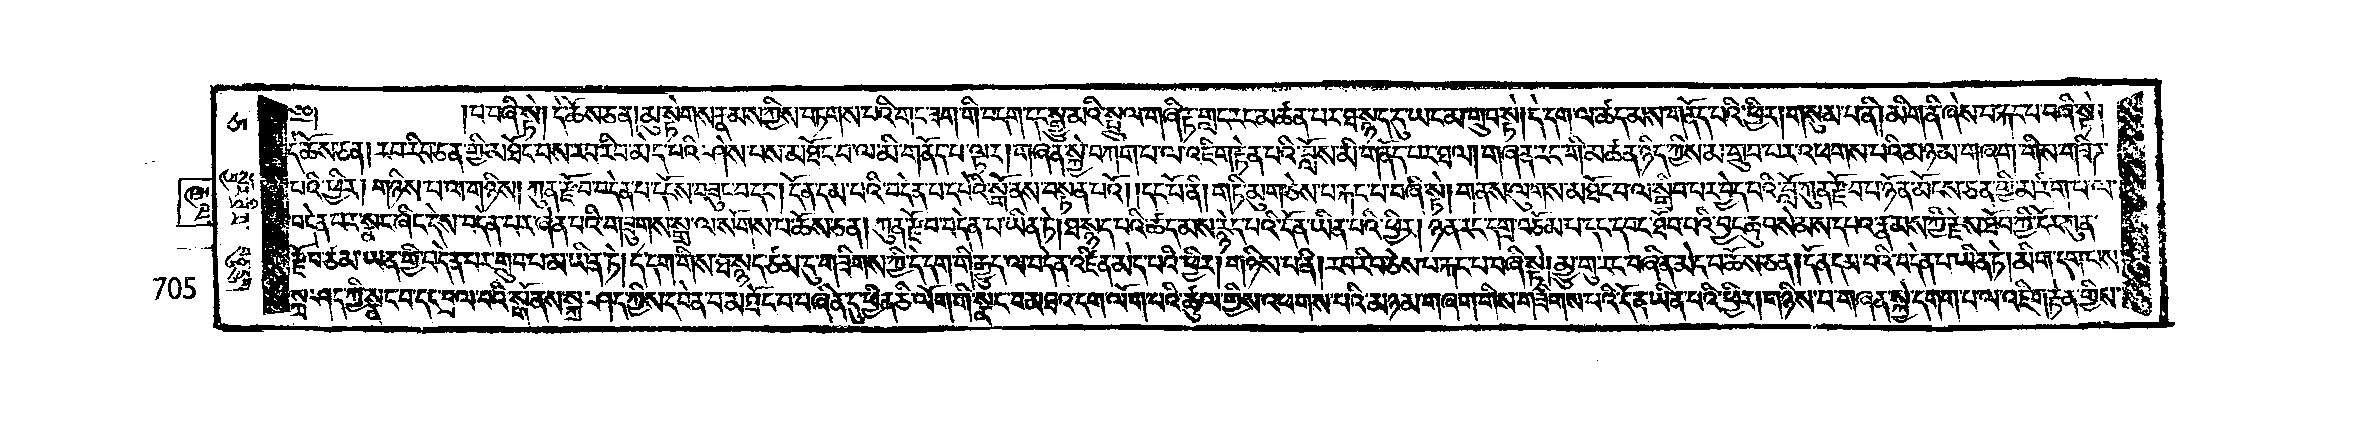༄༅། །པ་བཞི་སྟེ། དེ་ཆོས་ཅན། མུ་སྟེགས་རྣམས་ཀྱིས་བཏགས་པའི་གང་ཟག་གི་བདག་དང་སྒྱུ་མའི་སྤྲུལ་གཞི་རྟ་གླང་རང་མཚན་པར་ཐ་སྙད་དུ་ཡང་མ་གྲུབ་སྟེ། དེ་དག་ལ་ཚད་མས་གནོད་པའི་ཕྱིར། གསུམ་པ་ནི། མིག་ནི་ཞེས་པ་རྐང་པ་བཞི་སྟེ།
དེ་ཆོས་ཅན། རབ་རིབ་ཅན་གྱི་མཐོང་བས་རབ་རིབ་མེད་པའི་ཤེས་པས་མཐོང་བ་ལ་མི་གནོད་པ་ལྟར། གཞན་སྐྱེ་བཀག་པ་ལ་འཇིག་རྟེན་པའི་བློས་མི་གནོད་པར་ཐལ། གཞན་རང་གི་མཚན་ཉིད་ཀྱིས་མ་གྲུབ་པར་འཕགས་པའི་མཉམ་གཞག་གིས་གཟིགས་
པའི་ཕྱིར། གཉིས་པ་ལ་གཉིས། ཀུན་རྫོབ་བདེན་པ་དངོས་བཟུང་བ་དང་། དོན་དམ་པའི་བདེན་པ་དཔེའི་སྒོ་ནས་བསྟན་པའོ། །དང་པོ་ནི། གཏི་མུག་ཅེས་པ་རྐང་པ་བཞི་སྟེ། གནས་ལུགས་མཐོང་བ་ལ་སྒྲིབ་པར་བྱེད་པའི་བློ་ཀུན་རྫོབ་པ་ཉོན་མོངས་ཅན་གྱི་མ་རིག་པ་ལ་
བདེན་པར་སྣང་ཞིང་དེས་བདེན་པར་ཞེན་པའི་གཟུགས་སྒྲ་ལ་སོགས་པ་ཆོས་ཅན། ཀུན་རྫོབ་བདེན་པ་ཡིན་ཏེ། ཐ་སྙད་པའི་ཚད་མས་རྙེད་པའི་དོན་ཡིན་པའི་ཕྱིར། ཉན་རང་དགྲ་བཅོམ་པ་དང་དབང་ཐོབ་པའི་བྱང་ཆུབ་སེམས་དཔའ་རྣམས་ཀྱི་རྗེས་ཐོབ་ཀྱི་ངོར་ཀུན་
རྫོབ་ཙམ་ཡན་གྱི་བདེན་པར་གྲུབ་པ་མ་ཡིན་ཏེ། དེ་དག་གིས་ཐ་སྙད་ཙམ་དུ་གཟིགས་ཀྱི་དེ་དག་གི་རྒྱུད་ལ་བདེན་འཛིན་མེད་པའི་ཕྱིར། གཉིས་པ་ནི། རབ་རིབ་ཅེས་པ་རྐང་པ་བཞི་སྟེ། མྱུ་གུ་རང་བཞིན་མེད་པ་ཆོས་ཅན། དོན་དམ་པའི་བདེན་པ་ཡིན་ཏེ། མིག་དག་པས་
སྐྲ་ཤད་ཀྱི་སྣང་བ་དང་བྲལ་བའི་སྒོ་ནས་སྐྲ་ཤད་ཀྱིས་དབེན་པ་མཐོང་བ་བཞིན་དུ་ཕྱིན་ཅི་ལོག་གི་སྣང་བ་མཐའ་དག་ལོག་པའི་ཚུལ་གྱིས་འཕགས་པའི་མཉམ་གཞག་གིས་གཟིགས་པའི་དོན་ཡིན་པའི་ཕྱིར། གཉིས་པ་གཞན་སྐྱེ་དགག་པ་ལ་འཇིག་རྟེན་གྱིས་